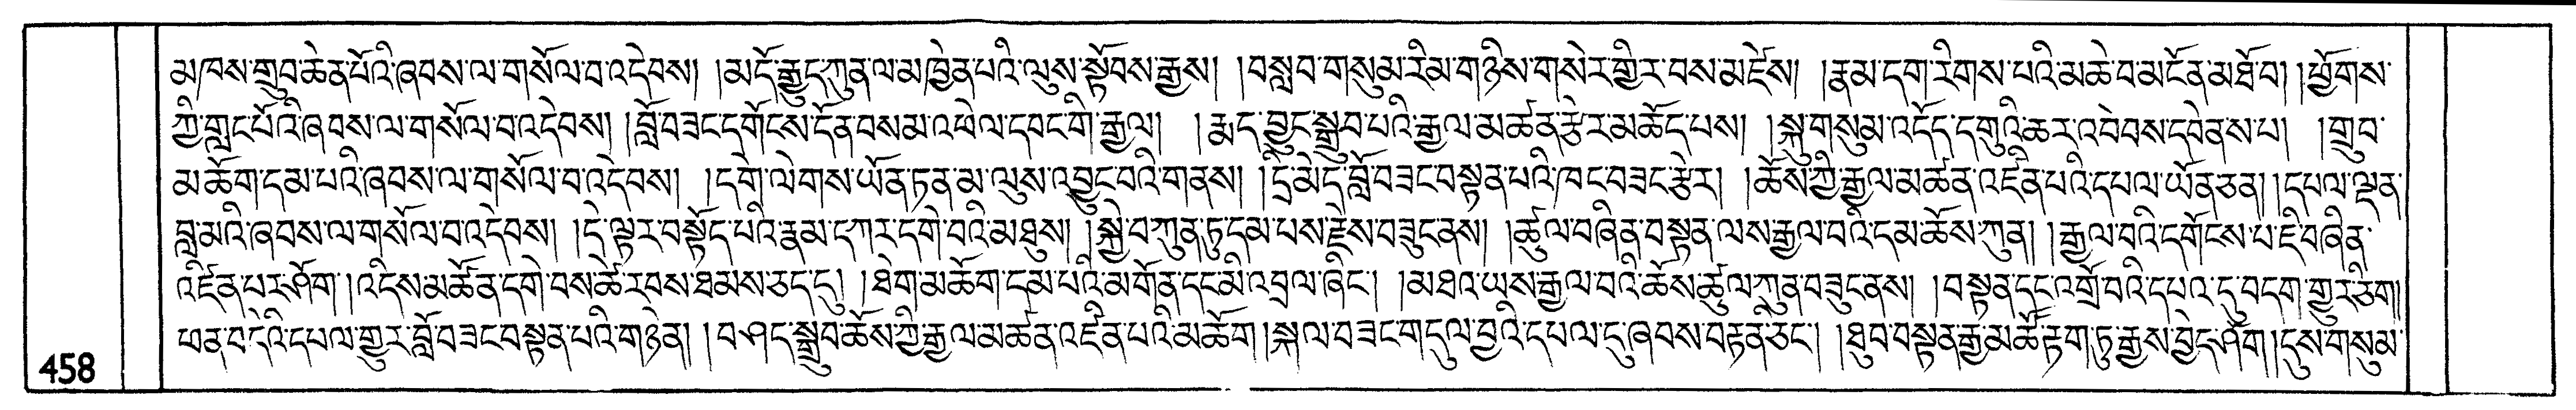མཁས་གྲུབ་ཆེན་པོའི་ཞབས་ལ་གསོལ་བ་འདེབས། །མདོ་རྒྱུད་ཀུན་ལ་མཁྱེན་པའི་ལུས་སྟོབས་རྒྱས། །བསླབ་གསུམ་རིམ་གཉིས་གསེར་གྱི་ར་བས་མཛེས། །རྣམ་དག་རིགས་པའི་མཆེ་བ་མངོན་མཐོ་བ། །ཕྱོགས་
ཀྱི་གླང་པོའི་ཞབས་ལ་གསོལ་བ་འདེབས། །བློ་བཟང་དགོངས་དོན་བསམ་འཕེལ་དབང་གི་རྒྱལ། །རྨད་བྱུང་སྒྲུབ་པའི་རྒྱལ་མཚན་རྩེར་མཆོད་པས། །སྐུ་གསུམ་འདོད་དགུའི་ཆར་འབེབས་དབེན་ས་པ། །གྲུབ་
མཆོག་དམ་པའི་ཞབས་ལ་གསོལ་བ་འདེབས། །དགེ་ལེགས་ཡོན་ཏན་མ་ལུས་འབྱུང་བའི་གནས། །དྲི་མེད་བློ་བཟང་བསྟན་པའི་ཁང་བཟང་རྩེར། །ཆོས་ཀྱི་རྒྱལ་མཚན་འཛིན་པའི་དཔལ་ཡོན་ཅན། །དཔལ་ལྡན་
བླ་མའི་ཞབས་ལ་གསོལ་བ་འདེབས། །དེ་ལྟར་བསྟོད་པའི་རྣམ་དཀར་དགེ་བའི་མཐུས། །སྐྱེ་བ་ཀུན་ཏུ་དམ་པས་རྗེས་བཟུང་ནས། །ཚུལ་བཞིན་བསྟན་ལས་རྒྱལ་བའི་དམ་ཆོས་ཀུན། །རྒྱལ་བའི་དགོངས་པ་ཇི་བཞིན་
འཛིན་པར་ཤོག །འདིས་མཚོན་དགེ་བས་ཚེ་རབས་ཐམས་ཅད་དུ། །ཐེག་མཆོག་དམ་པའི་མགོན་དང་མི་འབྲལ་ཞིང་། །མཐའ་ཡས་རྒྱལ་བའི་ཆོས་ཚུལ་ཀུན་བཟུང་ནས། །བསྟན་དང་འགྲོ་བའི་དཔའ་དུ་བདག་གྱུར་ཅིག །
ཕན་བདེའི་དཔལ་གྱུར་བློ་བཟང་བསྟན་པའི་གཉེན། །བཤད་སྒྲུབ་ཆོས་ཀྱི་རྒྱལ་མཚན་འཛིན་པའི་མཆོག །སྐལ་བཟང་གདུལ་བྱའི་དཔལ་དུ་ཞབས་བརྟན་ཅིང་། །ཐུབ་བསྟན་རྒྱ་མཚོ་རྟག་ཏུ་རྒྱས་བྱེད་ཤོག །དུས་གསུམ་